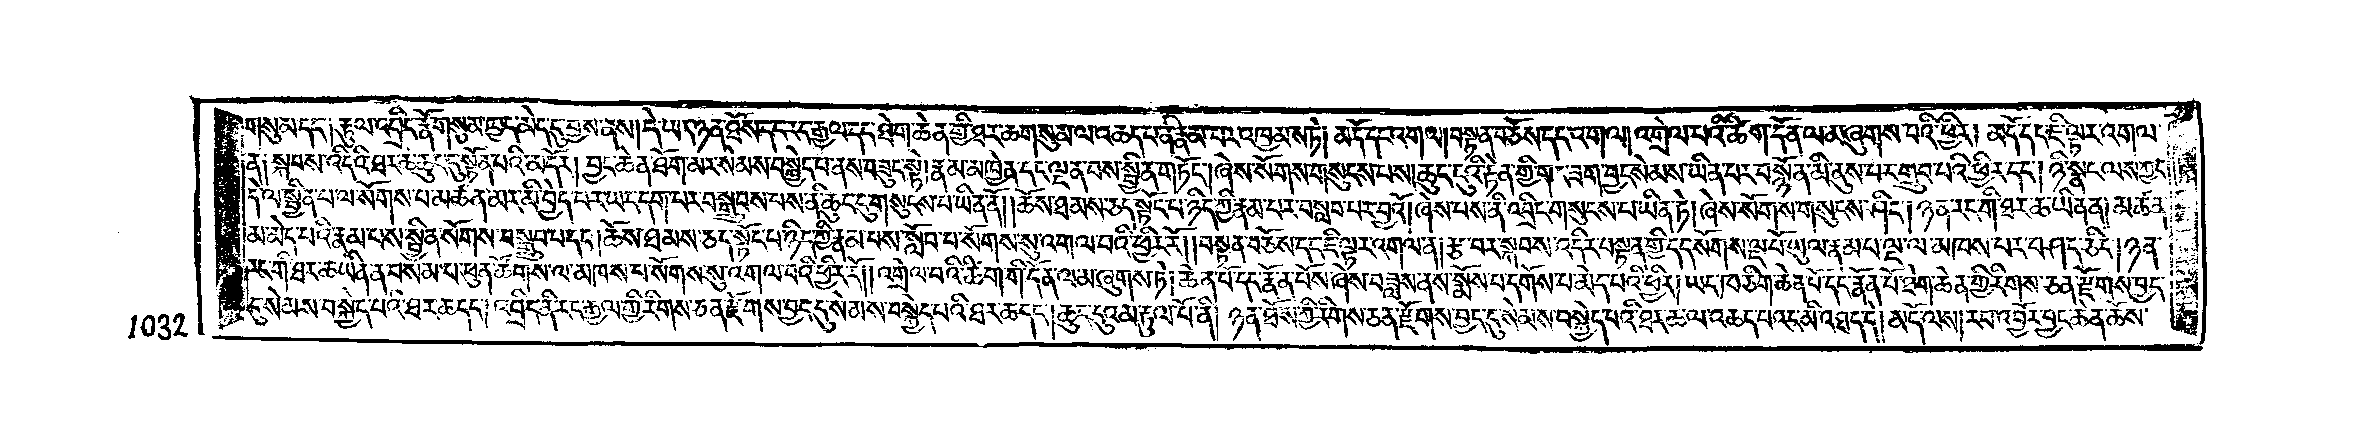གསུམ་དང་། རྟུལ་འབྲིང་རྣོ་གསུམ་ཁྱད་མེད་དུ་བྱས་ནས། དེ་ཡང་ཉན་ཐོས་དང་རང་རྒྱལ་དང་ཐེག་ཆེན་གྱི་ཐར་ཆ་གསུམ་ལ་འཆད་པ་ནི་རྣམ་པར་འཁྱམས་ཏེ། མདོ་དང་འགལ། བསྟན་བཅོས་དང་འགལ། འགྲེལ་པའི་ཚིག་དོན་ལ་མ་ཞུགས་པའི་ཕྱིར། མདོ་དང་ཇི་ལྟར་འགལ་
ན༑ སྐབས་འདིའི་ཐར་ཆེ་ཆུང་དུ་སྟོན་པའི་མདོར། བྱང་ཆེན་ཐོག་མར་སེམས་བསྐྱེད་པ་ནས་བཟུང་སྟེ། རྣམ་མཁྱེན་དང་ལྡན་པས་སྦྱིན་གཏོང་། ཞེས་སོགས་གསུངས་པས། ཆུང་ངུའི་རྟེན་གྱི་གང་ཟག་བྱང་སེམས་ཡིན་པར་བསྙོན་མི་ནུས་པར་གྲུབ་པའི་ཕྱིར་དང་། ཉི་སྣང་ལས་ཀྱང་
དེ་ལ་སྦྱིན་པ་ལ་སོགས་པ་མཚན་མར་མི་བྱེད་པར་ཡང་དག་པར་བསྒྲུབས་པས་ནི་ཆུང་དུ་གསུངས་པ་ཡིན་ནོ། །ཆོས་ཐམས་ཅད་སྟོང་པ་ཉིད་ཀྱི་རྣམ་པར་བསླབ་པར་བྱའོ། ཞེས་པས་ནི་འབྲིང་གསུངས་པ་ཡིན་ཏེ། ཞེས་སོགས་གསུངས་ཤིང་། ཉན་རང་གི་ཐར་ཆ་ཡིན་ན། མཚན་
མ་མེད་པའི་རྣམ་པས་སྦྱིན་སོགས་བསྒྲུབ་པ་དང་། ཆོས་ཐམས་ཅད་སྟོང་པ་ཉིད་ཀྱི་རྣམ་པས་སློབ་པ་སོགས་སུ་འགལ་བའི་ཕྱིར་རོ། །བསྟན་བཅོས་དང་ཇི་ལྟར་འགལ་ན། རྩ་བར་སྐབས་འདིར་བསྟན་གྱི་དད་སོགས་ལྔ་པོ་ཡུལ་རྣམ་པ་ལྔ་ལ་མཁས་པར་བཤད་ཅིང་། ཉན་
རང་གི་ཐར་ཆ་ཡིན་ན་བསམ་པ་ཕུན་ཚོགས་ལ་མཁས་པ་སོགས་སུ་འགལ་བའི་ཕྱིར་རོ། །འགྲེལ་བའི་ཚིག་གི་དོན་ལ་མ་ཞུགས་ཏེ། ཆེན་པོ་དང་རྣོན་པོས་ཞེས་བཟླས་ནས་སྨོས་པ་དགོས་པ་མེད་པའི་ཕྱིར། ཡང་ཁ་ཅིག་ཆེན་པོ་དང་རྣོན་པོ་ཐེག་ཆེན་གྱི་རིགས་ཅན་རྫོགས་བྱང་
དུ་སེམས་བསྐྱེད་པའི་ཐར་ཆ་དང་། འབྲིང་ནི་རང་རྒྱལ་གྱི་རིགས་ཅན་རྫོགས་བྱང་དུ་སེམས་བསྐྱེད་པའི་ཐར་ཆ་དང་། ཆུང་ངུའམ་རྟུལ་པོ་ནི། ཉན་ཐོས་ཀྱི་རིགས་ཅན་རྫོགས་བྱང་དུ་སེམས་བསྐྱེད་པའི་ཐར་ཆ་ལ་འཆད་པའང་མི་འཐད་དེ། མདོ་ལས། རབ་འབྱོར་བྱང་ཆེན་ཆོས་